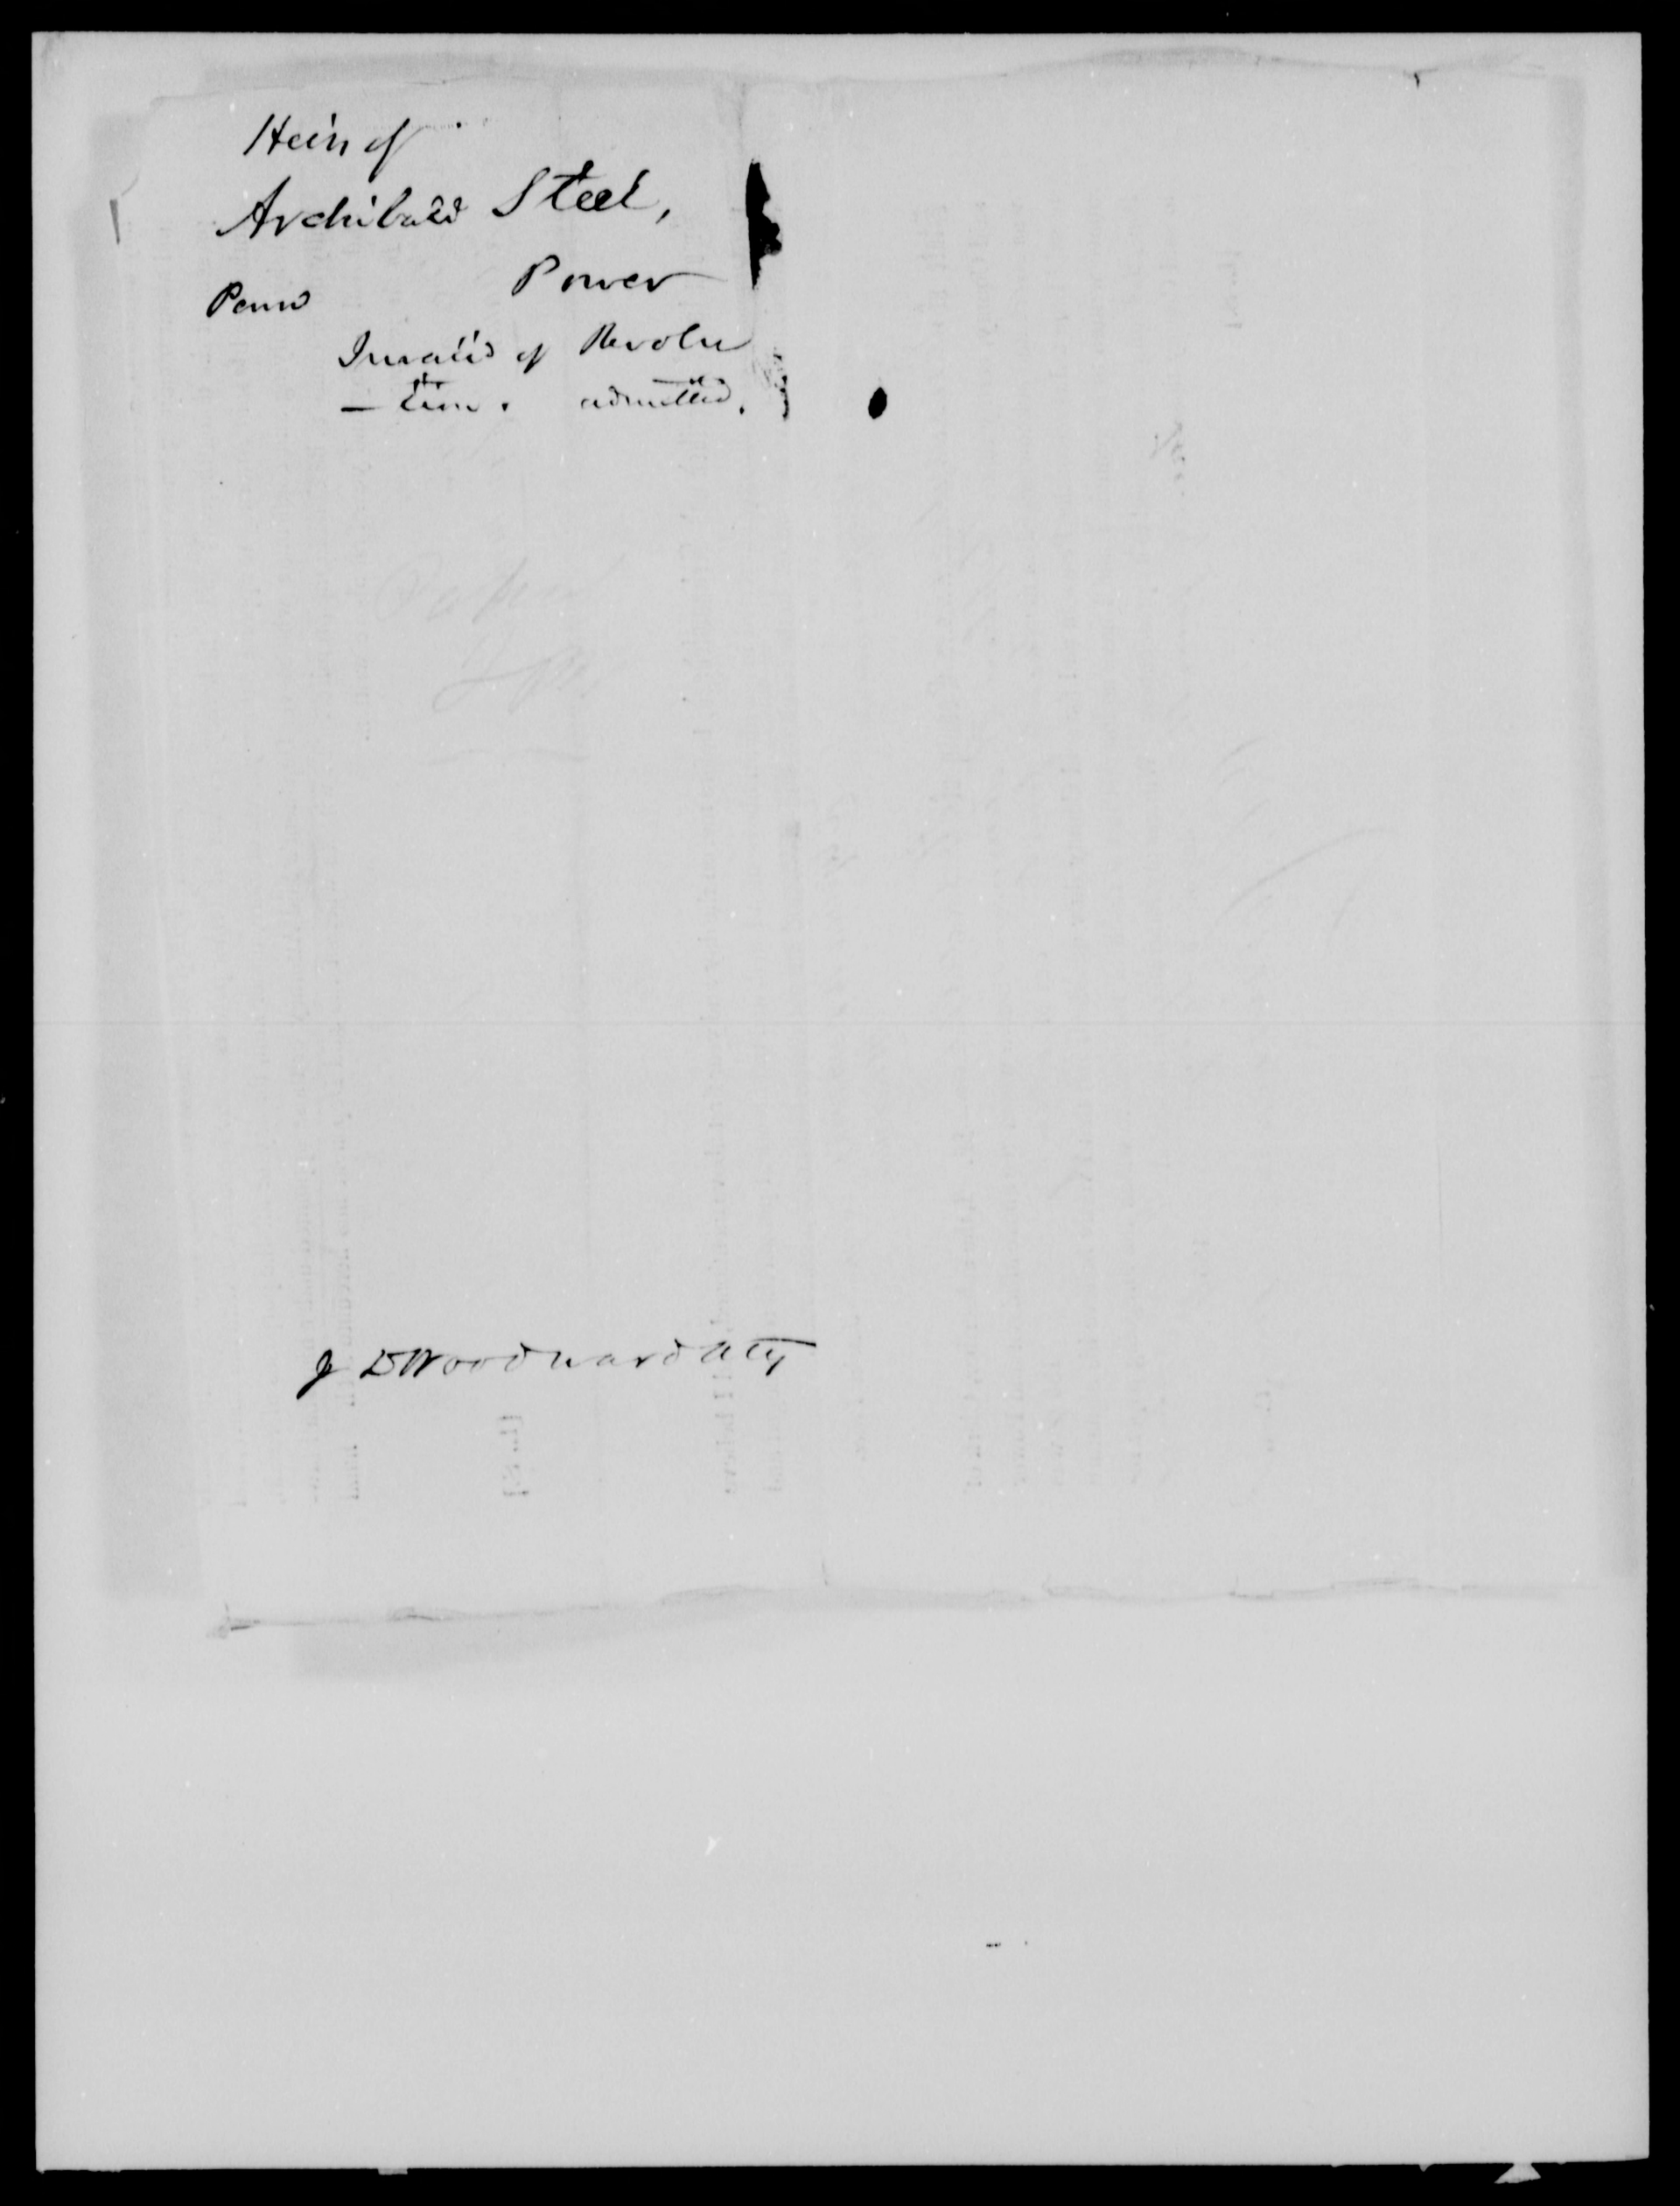Heir of Archibald Steel

Penn

Power
Invalid of Revolution

J B Woodward, atty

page: 7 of 28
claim: survivor's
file: S. 7601, for Archibald Steel, Pennsylvania